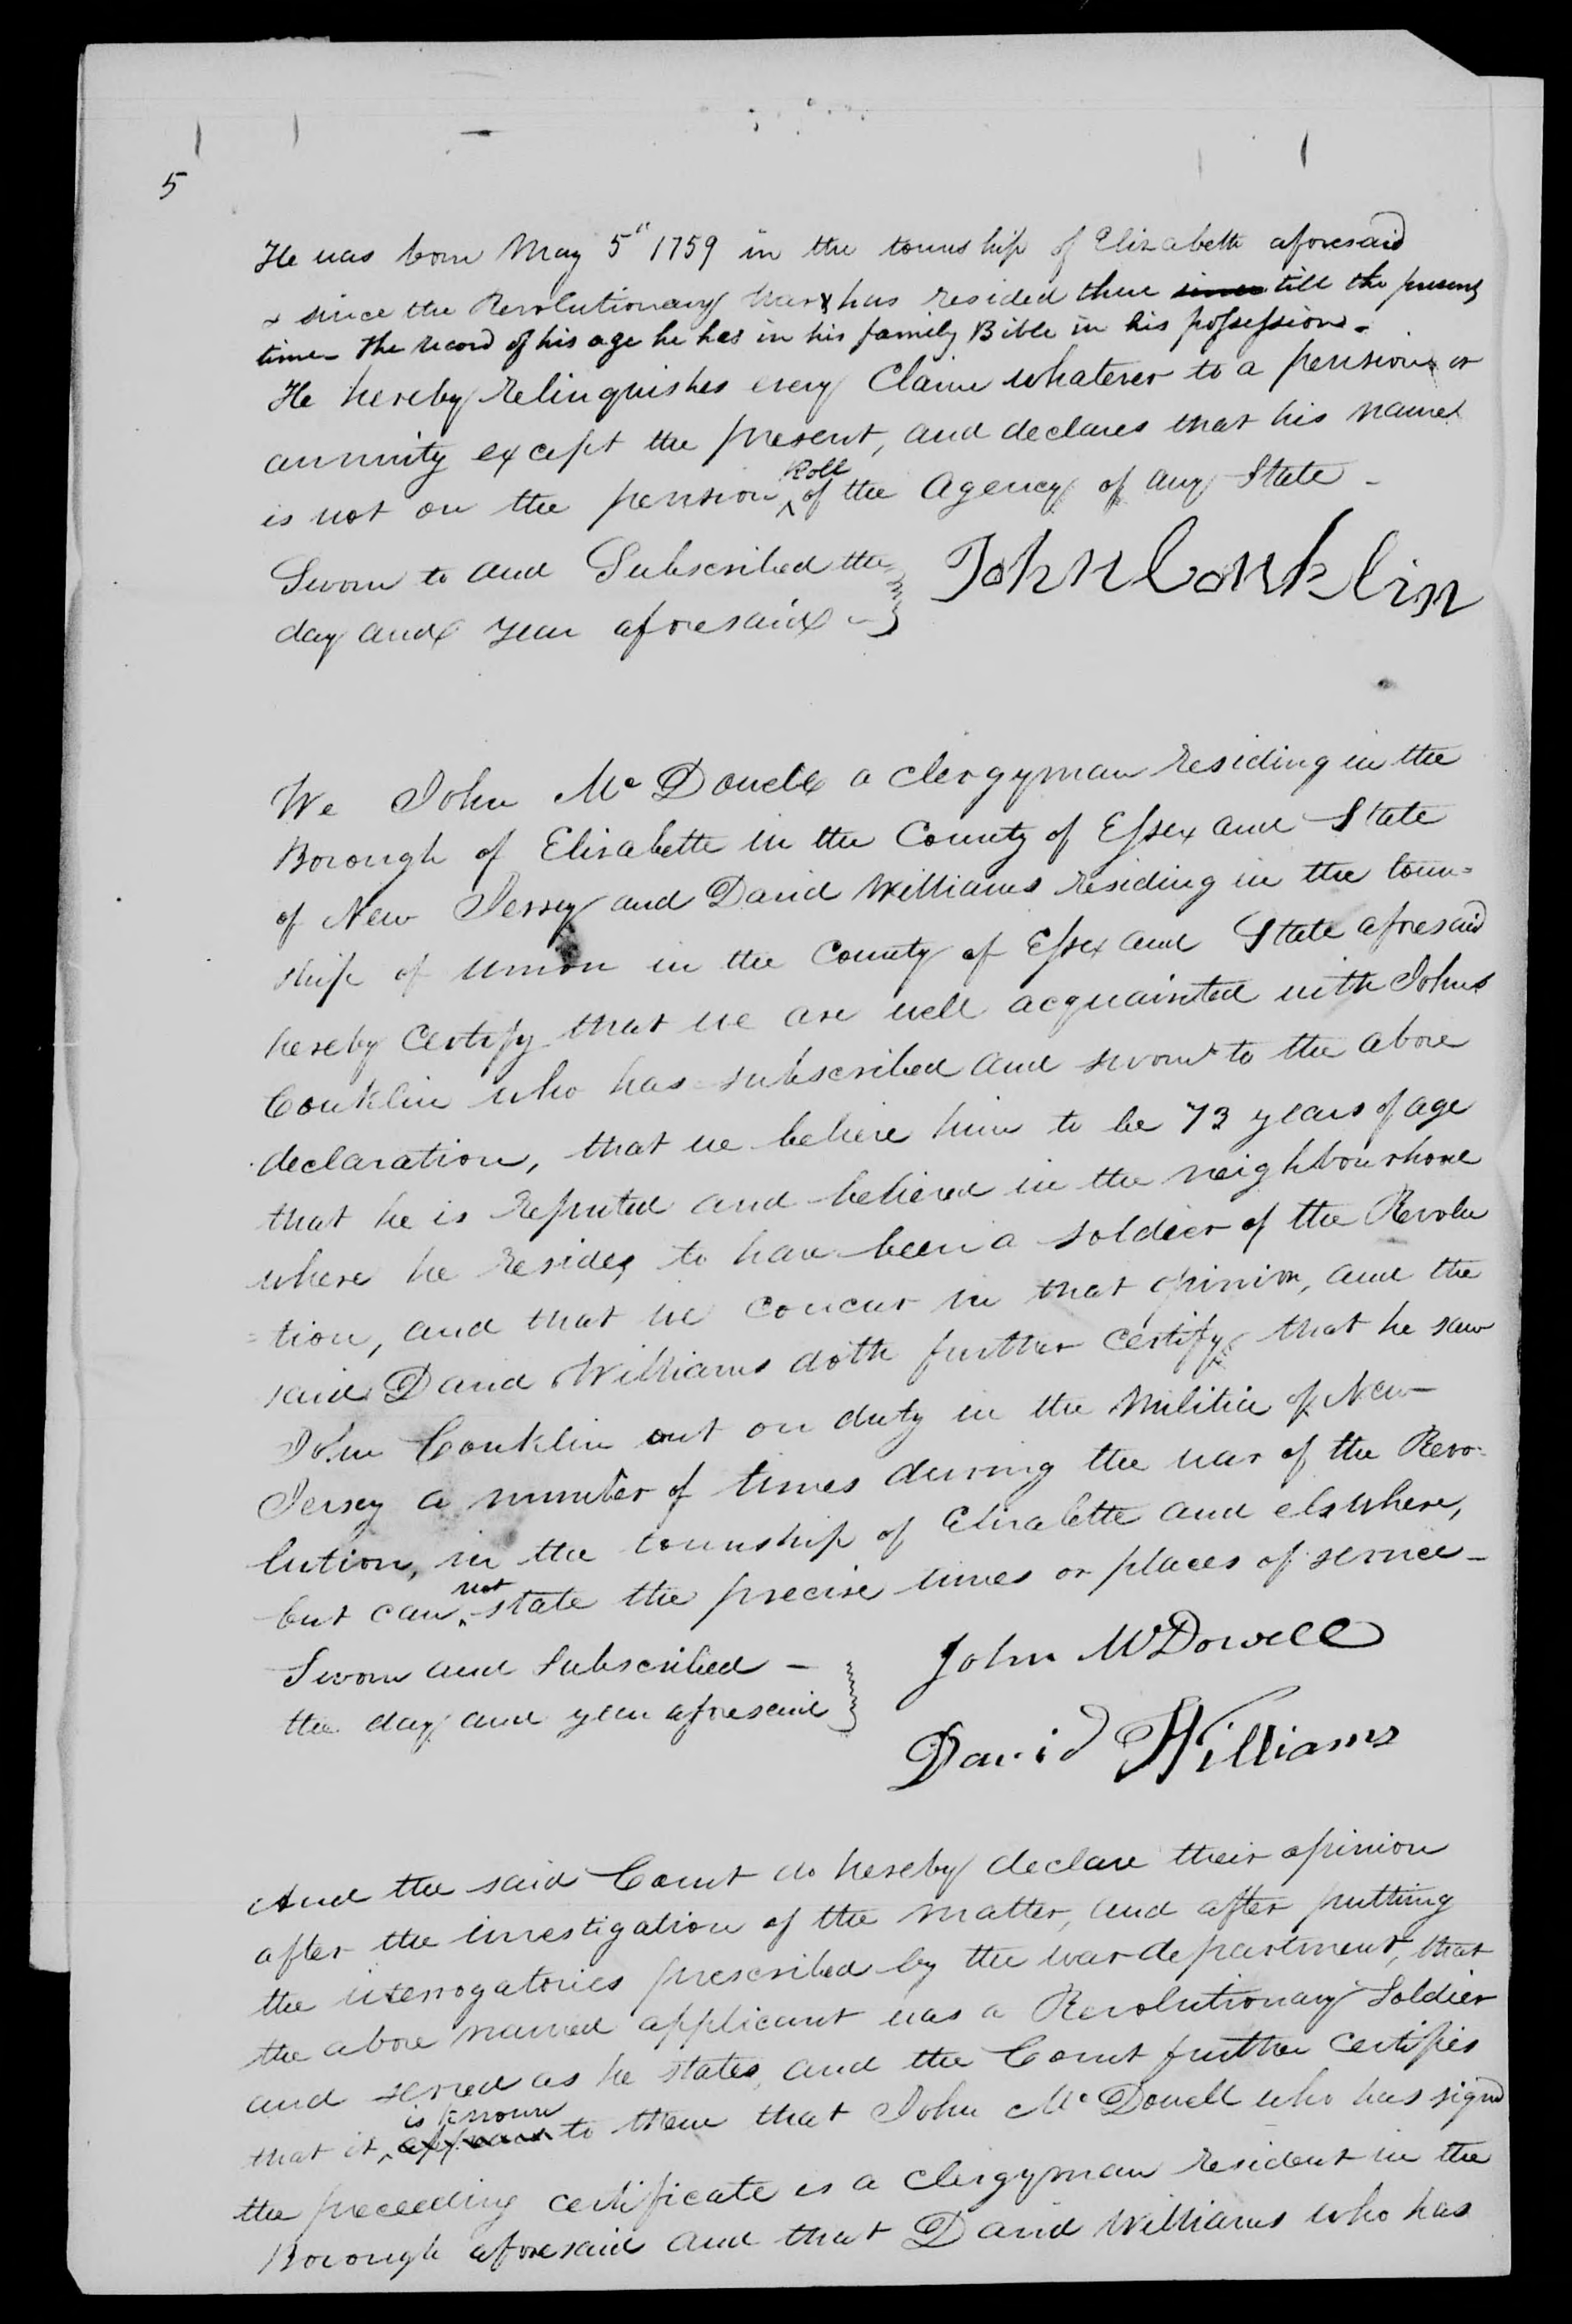5
He was born May 5th 1759 in the township of Elizabeth aforesaid
since the Revolutionary war & has resided there till the present
time The record of his age he has in his family Bible in his possession.
He hereby relinquishes every claim whatever to a pension or
annuity except the present, and declares that his name
is not on the pension of the agency of any State
Sworn to and Subscribed the
day and year aforesaid
s/ John Conklin

We John McDonell a clergyman residing in the
Borough of Elizabeth in the County of Essex and State
of New Jersey and David Williams residing in the 
township of Union in the County of Essex and State aforesaid 
hereby certify that we are well acquainted with John
Conklin who has subscribed and sworn to the above
declaration, that we believe him to be 73 years of age
that he is reputed and believed in the neighbourhood
where he resides to have been a soldier of the Revolution, 
and that we concur in that opinion, and the
said David Williams doth further certify that he saw
John Conklin out on duty in the Militia of New Jersey
a number of times during the war of the Revolution, 
in the township of Elizabeth and elswhere,
but cannot state the precise times or places of service -
Sworn and subscribed the
day and year aforesaid
s/ John McDowell
s/ David Williams

And the said Court do hereby declare their opinion
after the investigation of the matter, and after putting
the interrogatories prescribed by the war department, that the
above named applicant was a Revolutionary Soldier
and served as he states, and the Court further certifies
that it unto them that John McDowell who has signed
the preceeding certificate is a Clergyman resident in the
thorough aforesaid and that David Williams who has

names: John Mc Dowell, John Conklin, David Williams, John Mc Dowell, David Williams, John Mc Dowell, John Conklin, John Conklin, David Williams, David Williams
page: 8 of 28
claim: survivor's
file: S 2464, John Conklin, New Jersey